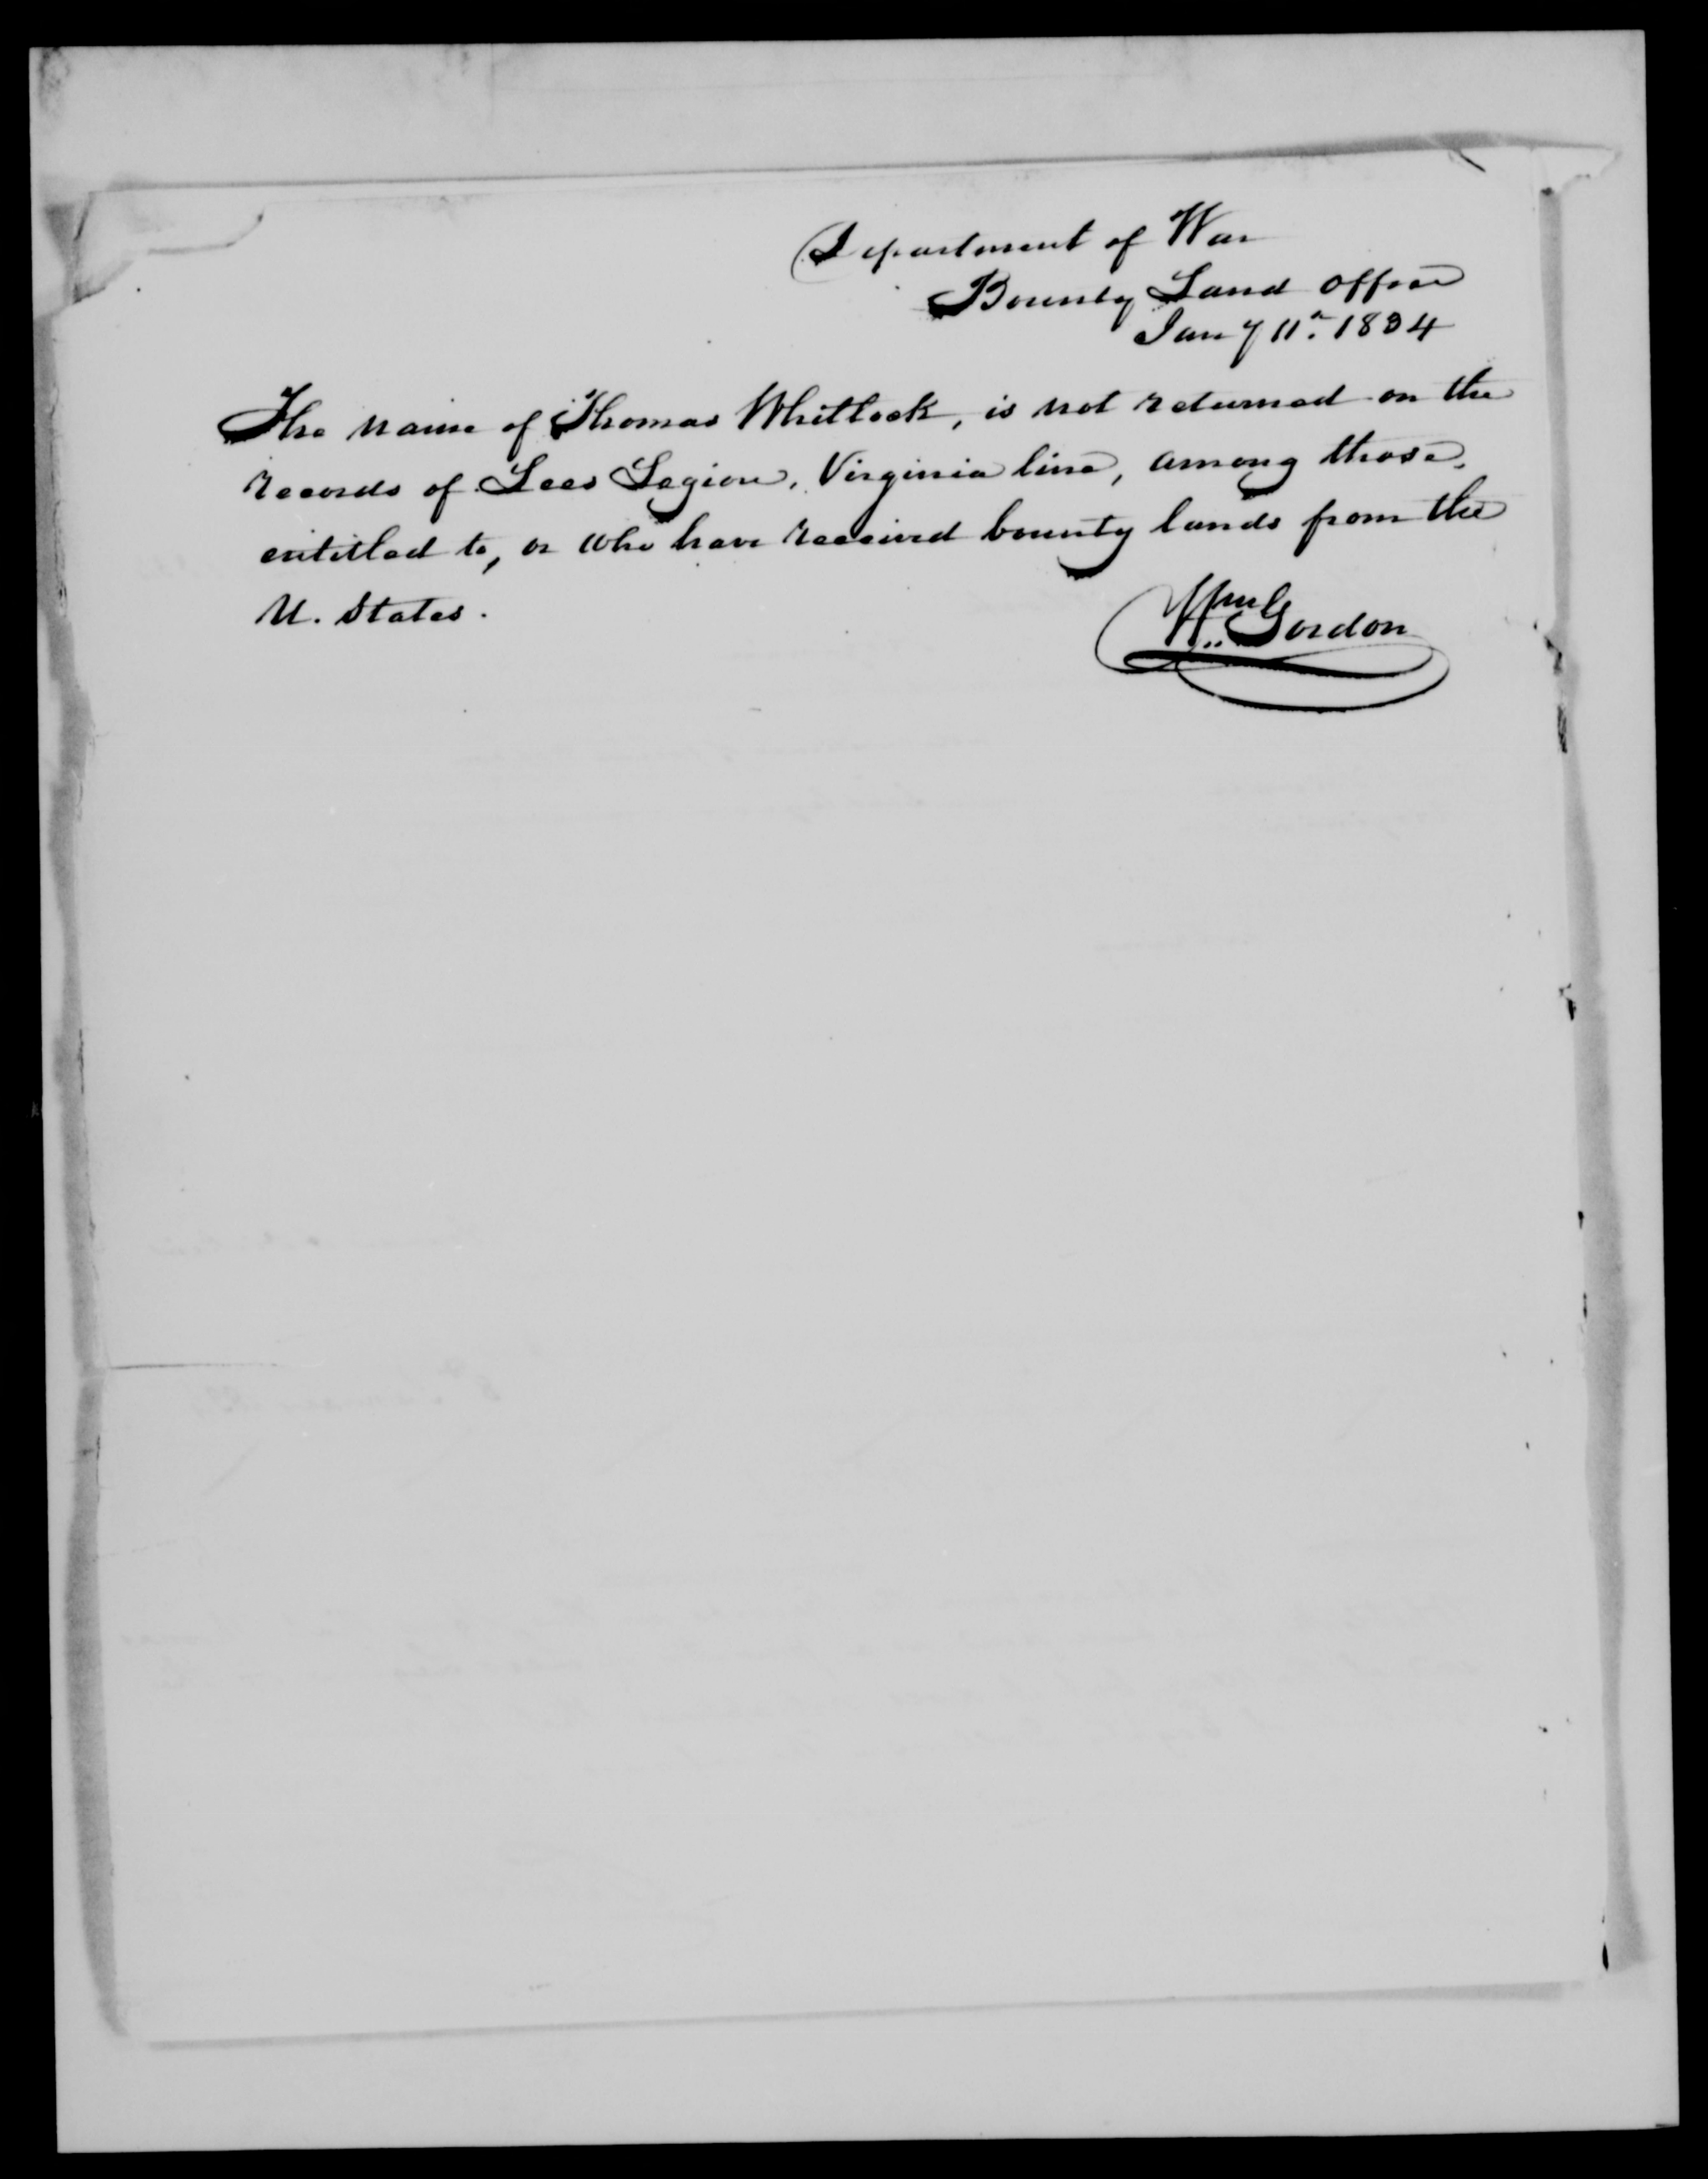Department of War
Bounty Land Office
Jany 11th. 1834
The name of Thomas Whitlock, is not returned on the records of Lees Legion, Virginia line, among those entitled to, or who have received bounty lands from the U. States.
Wm. Gordon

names: Thomas Whitlock, Wm Gordon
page: 28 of 32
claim: survivor's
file: S. 16020, Thomas Whitlock, Va.